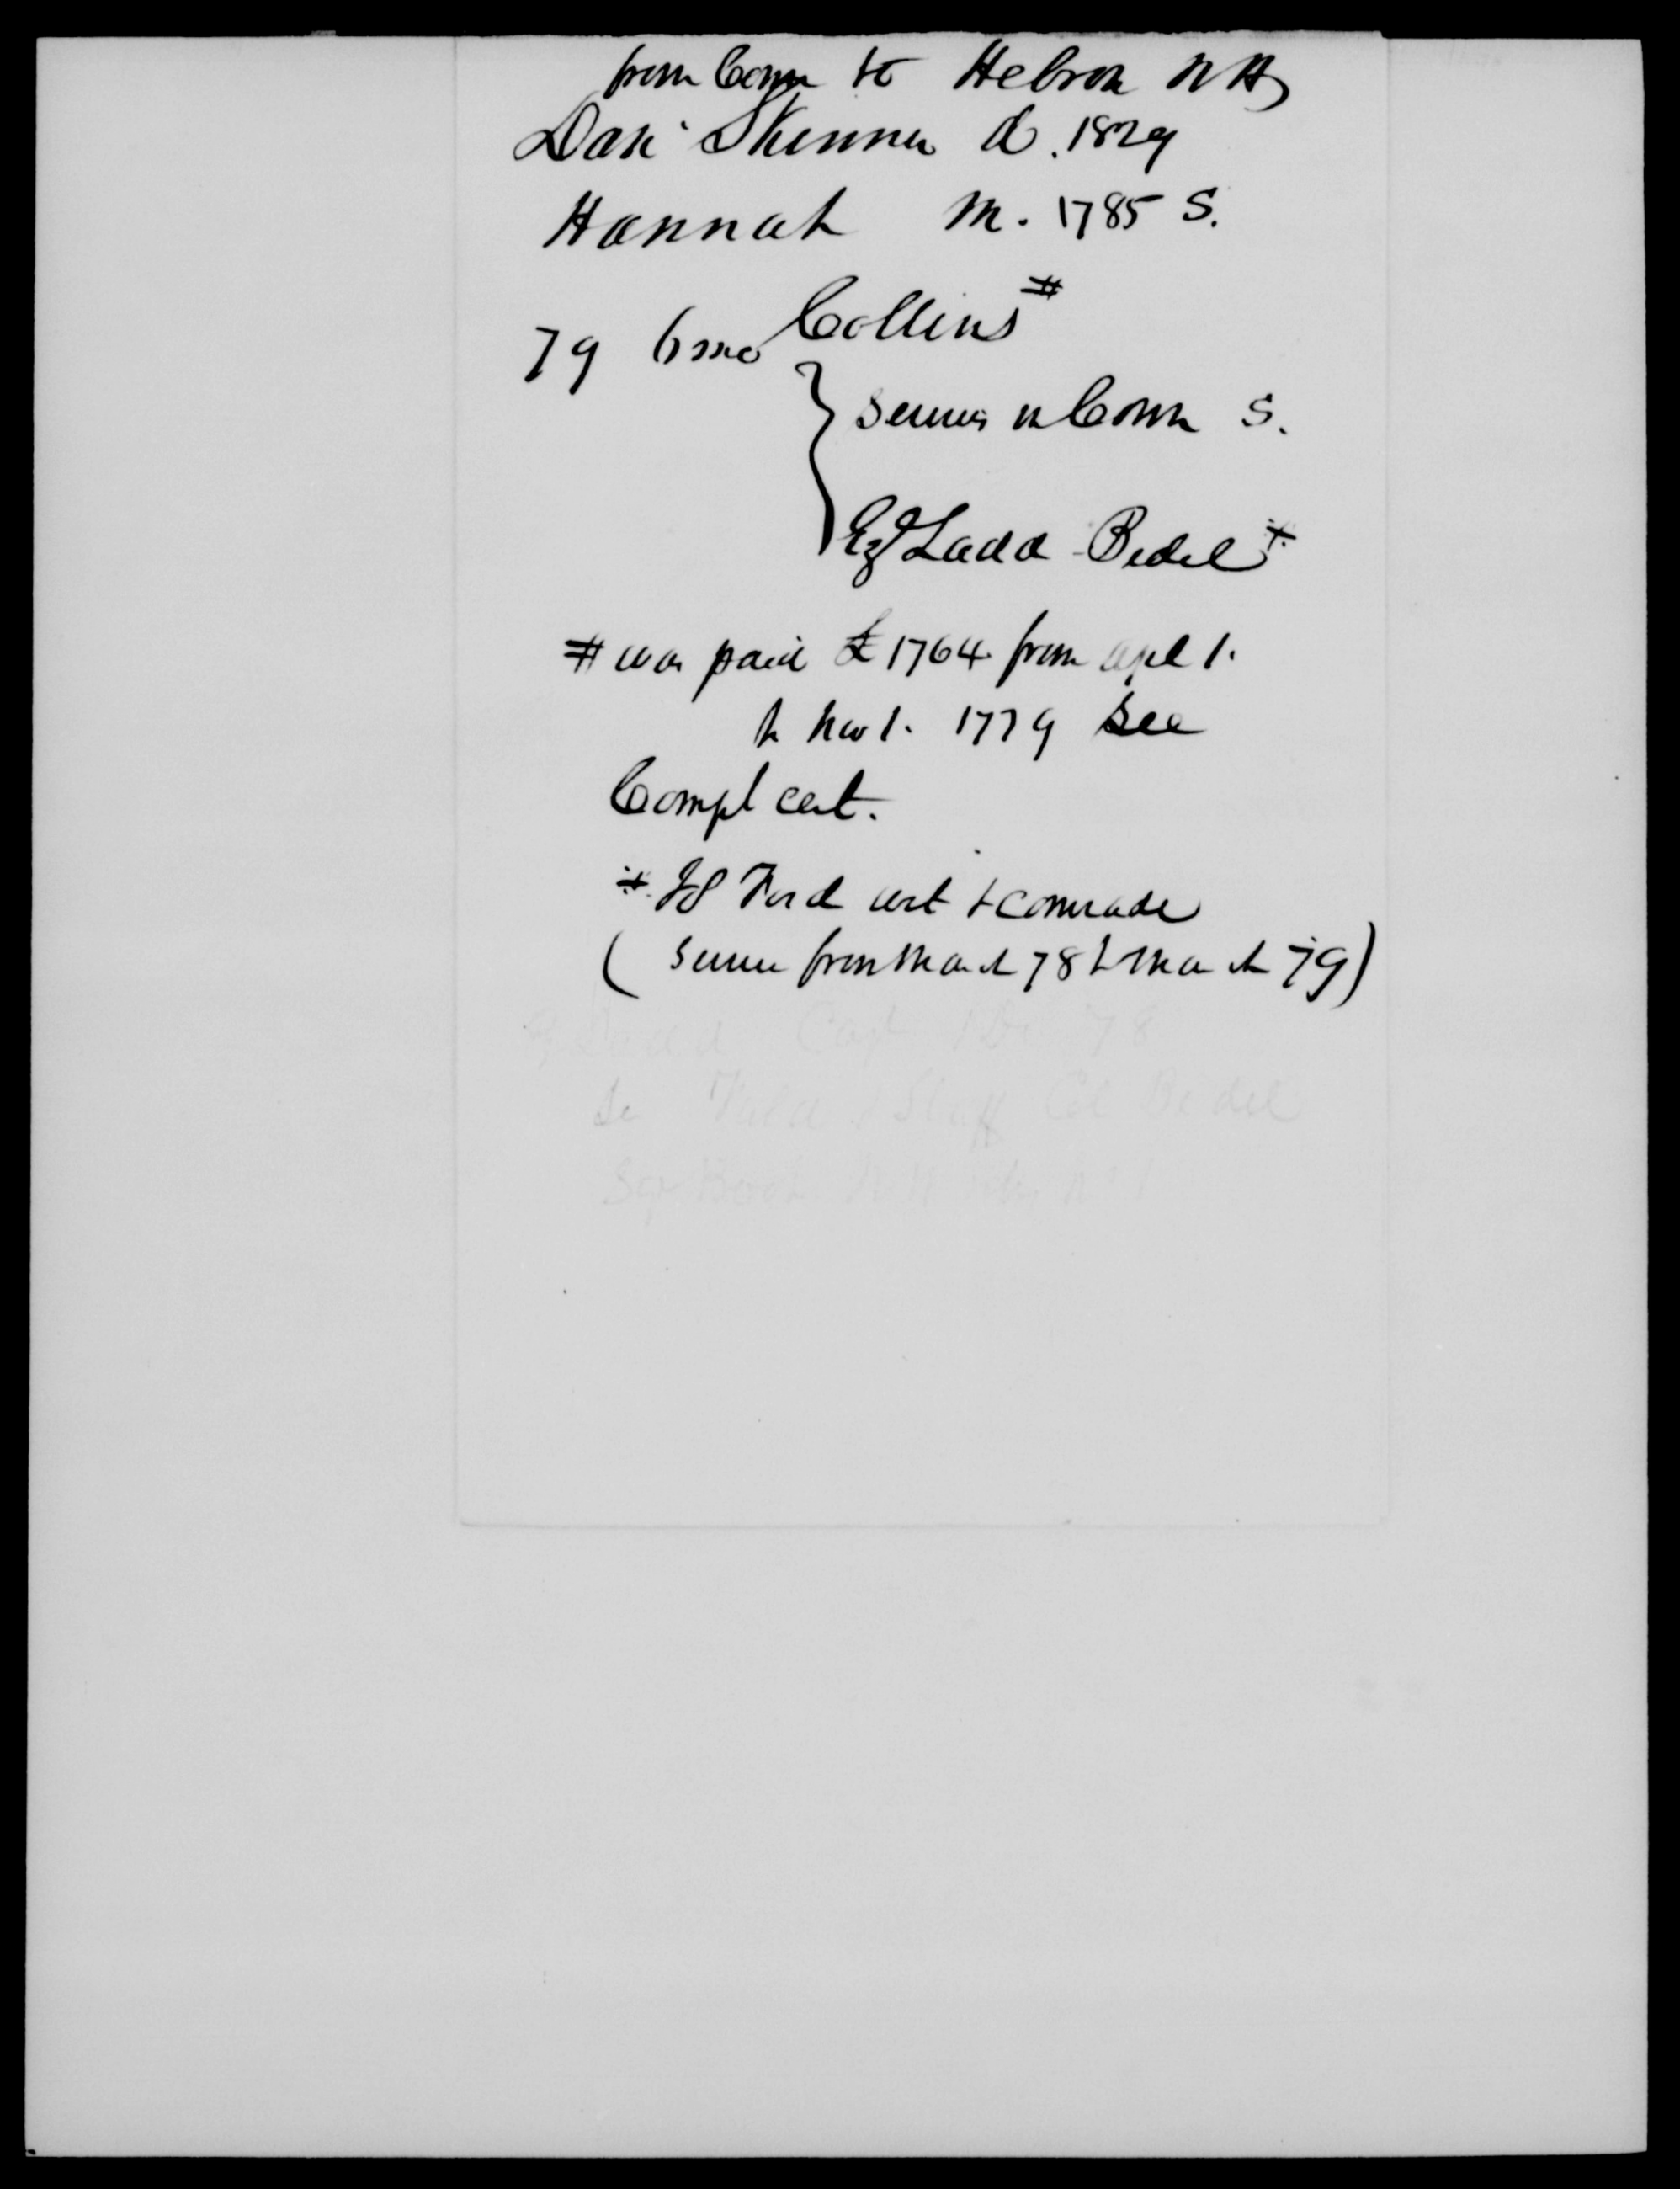from Conn to Hebron NH
Dan'l Skinner D. 1829
Hannah M. 1785. S.
79  6mo. Collins #
service in Conn S
Ezl Ladd-Bedel *
#was paid & 1764 from Aprl 1
to Nov. 1, 1779  See
Compl. cert.
JS Ford cert & command
(service from March 78 to March '79)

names: Danl Skinner; [BLANK] Collins; [BLANK] Ladd; [BLANK] Bedel; Hannah Skinner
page: 31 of 46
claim: widow's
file: W. 24976, for Daniel Skinner, New Hampshire